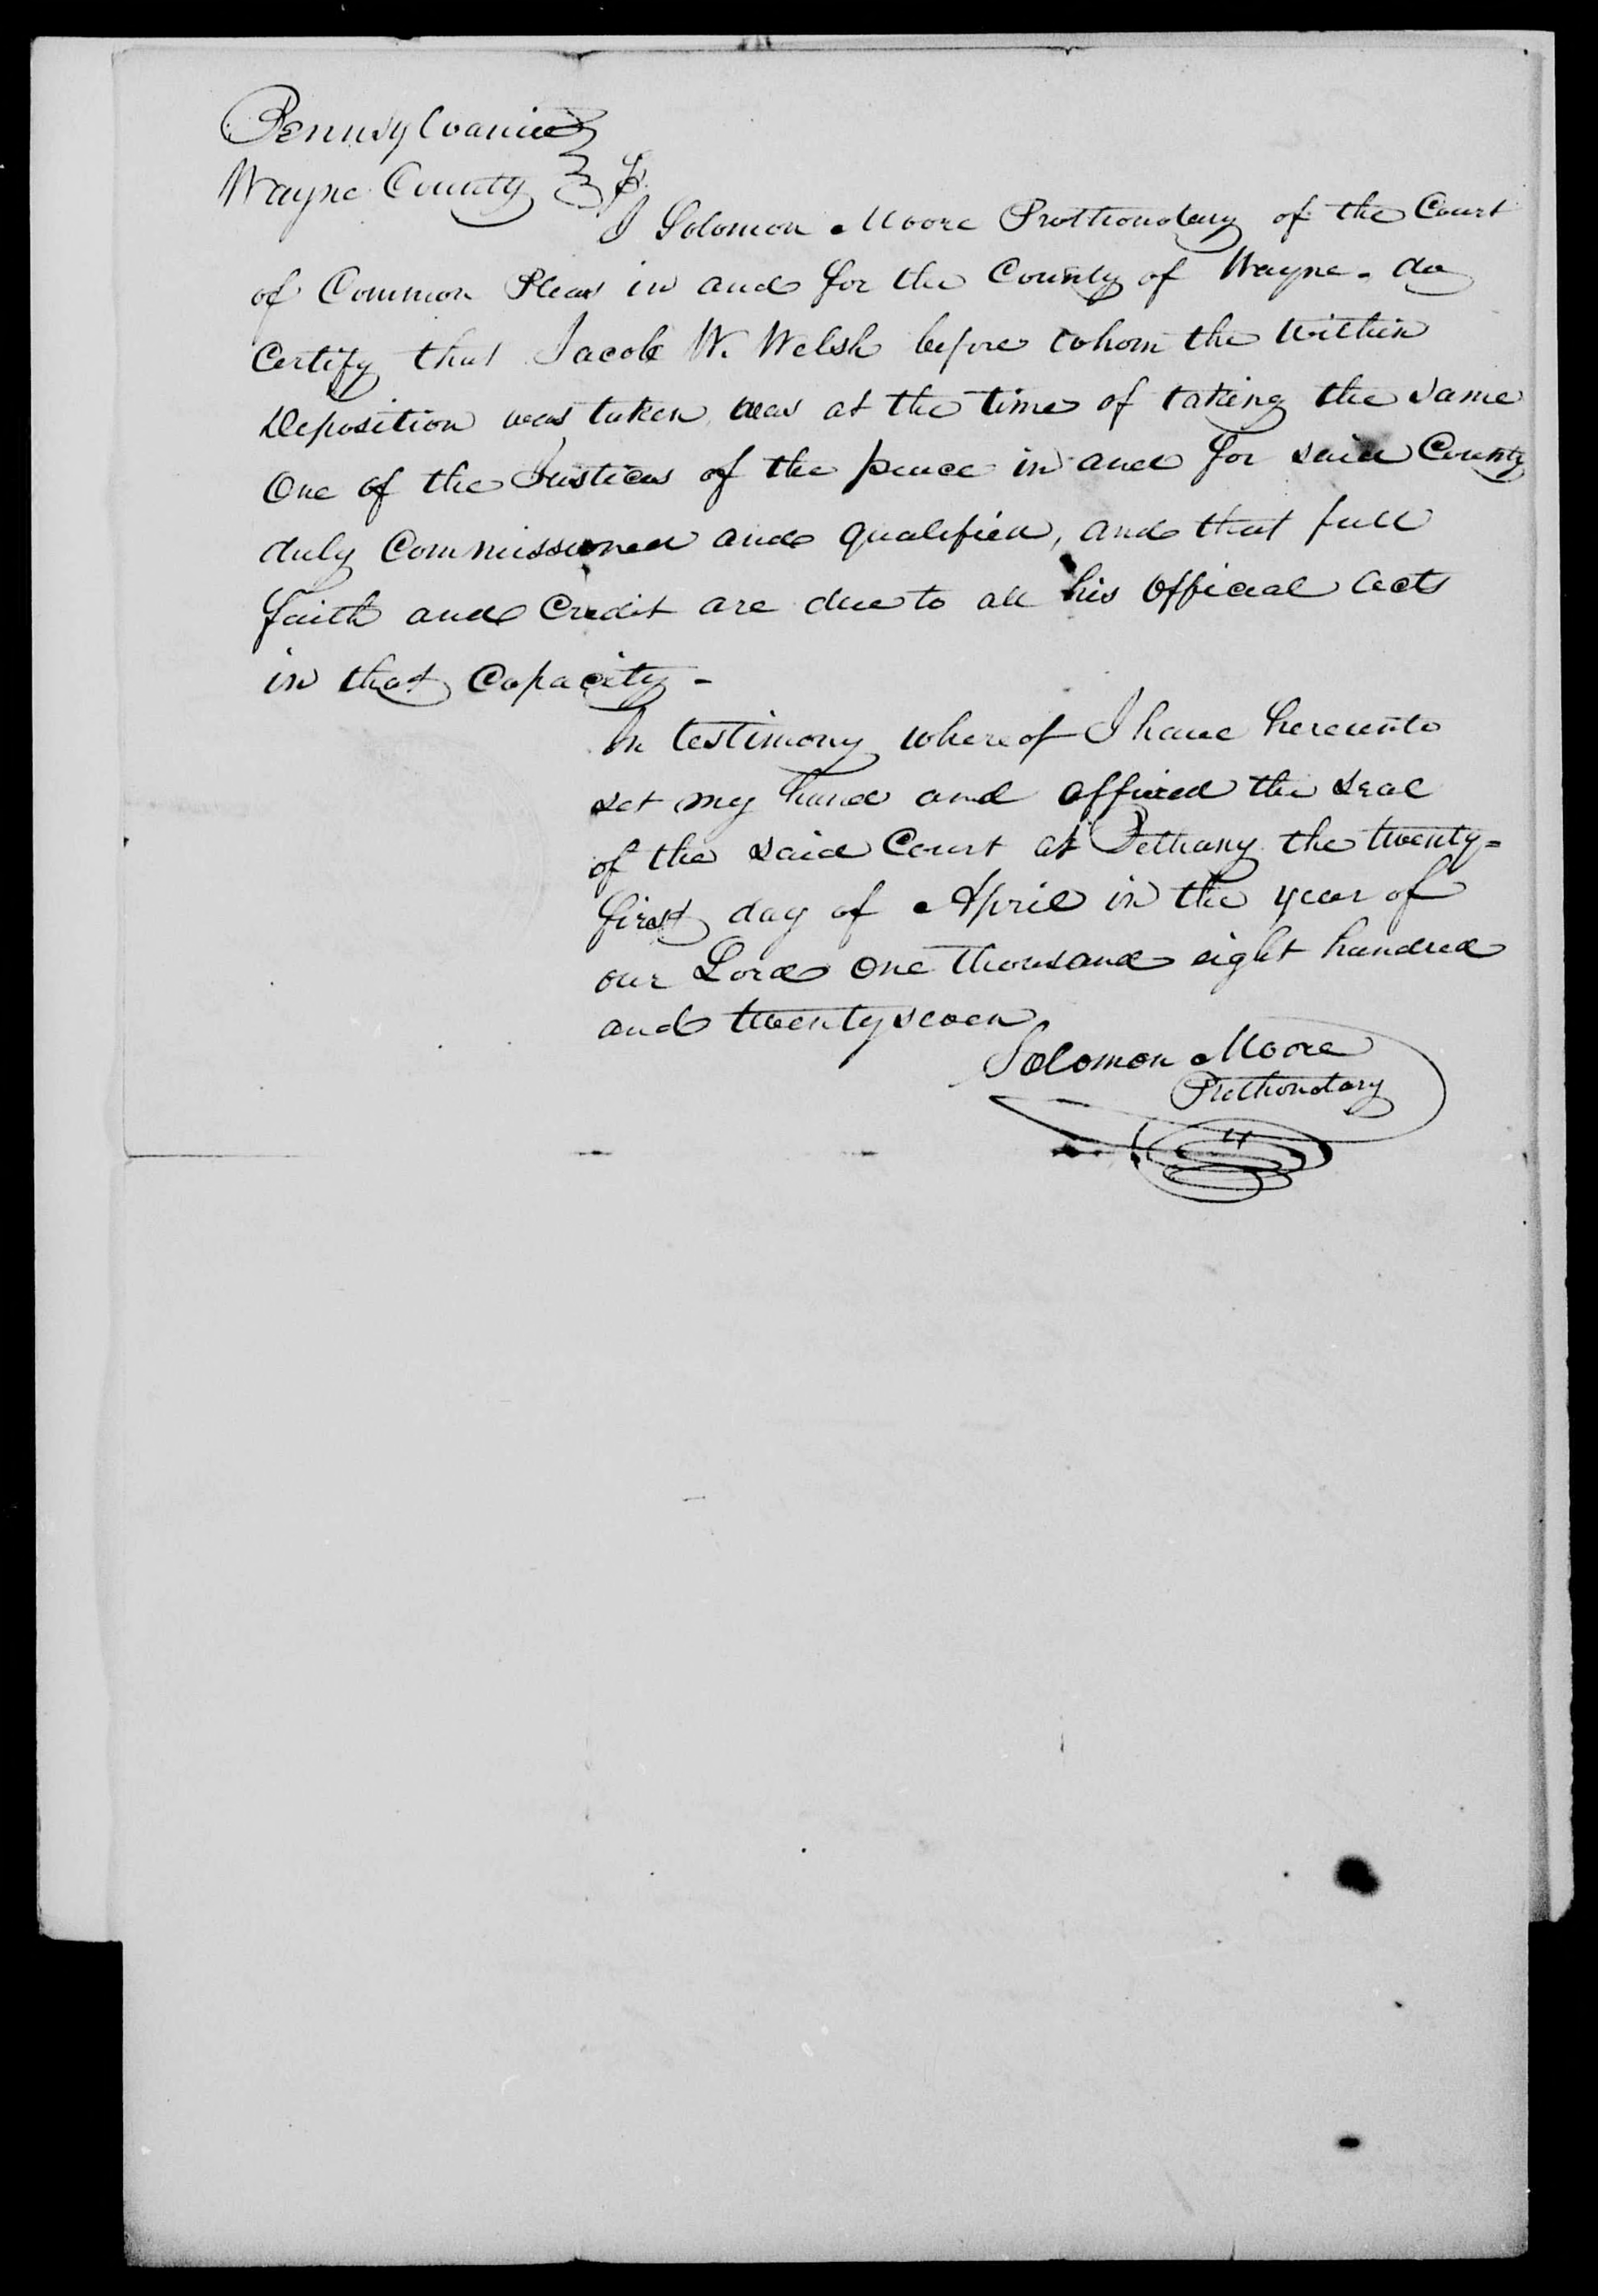Pennsylvania
Wayne County [bracket] P
I Solomon Moore Prothonotary of the Court of Common Pleas in and for the County of Wayne, do certify that Jacob W. Welsh before whom the within Deposition was taken was at the time of taking the same one of the Justices of the Peace in and for said County duly Commissioned and qualified, and that full faith and credit are due to all his official acts in that capacity. 
In testimony whereof I have hereunto set my hand and affixed the seal of the said court at Bethany the twenty-first day of April in the year of our Lord one thousand eight hundred and twenty seven.
Solomon Moore\
Prothonotary
[swirled ink marks]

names: Solomon Moore, Jacob W Welsh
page: 23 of 25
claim: rejected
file: R. 5190, Daniel Howey, New Jersey New York